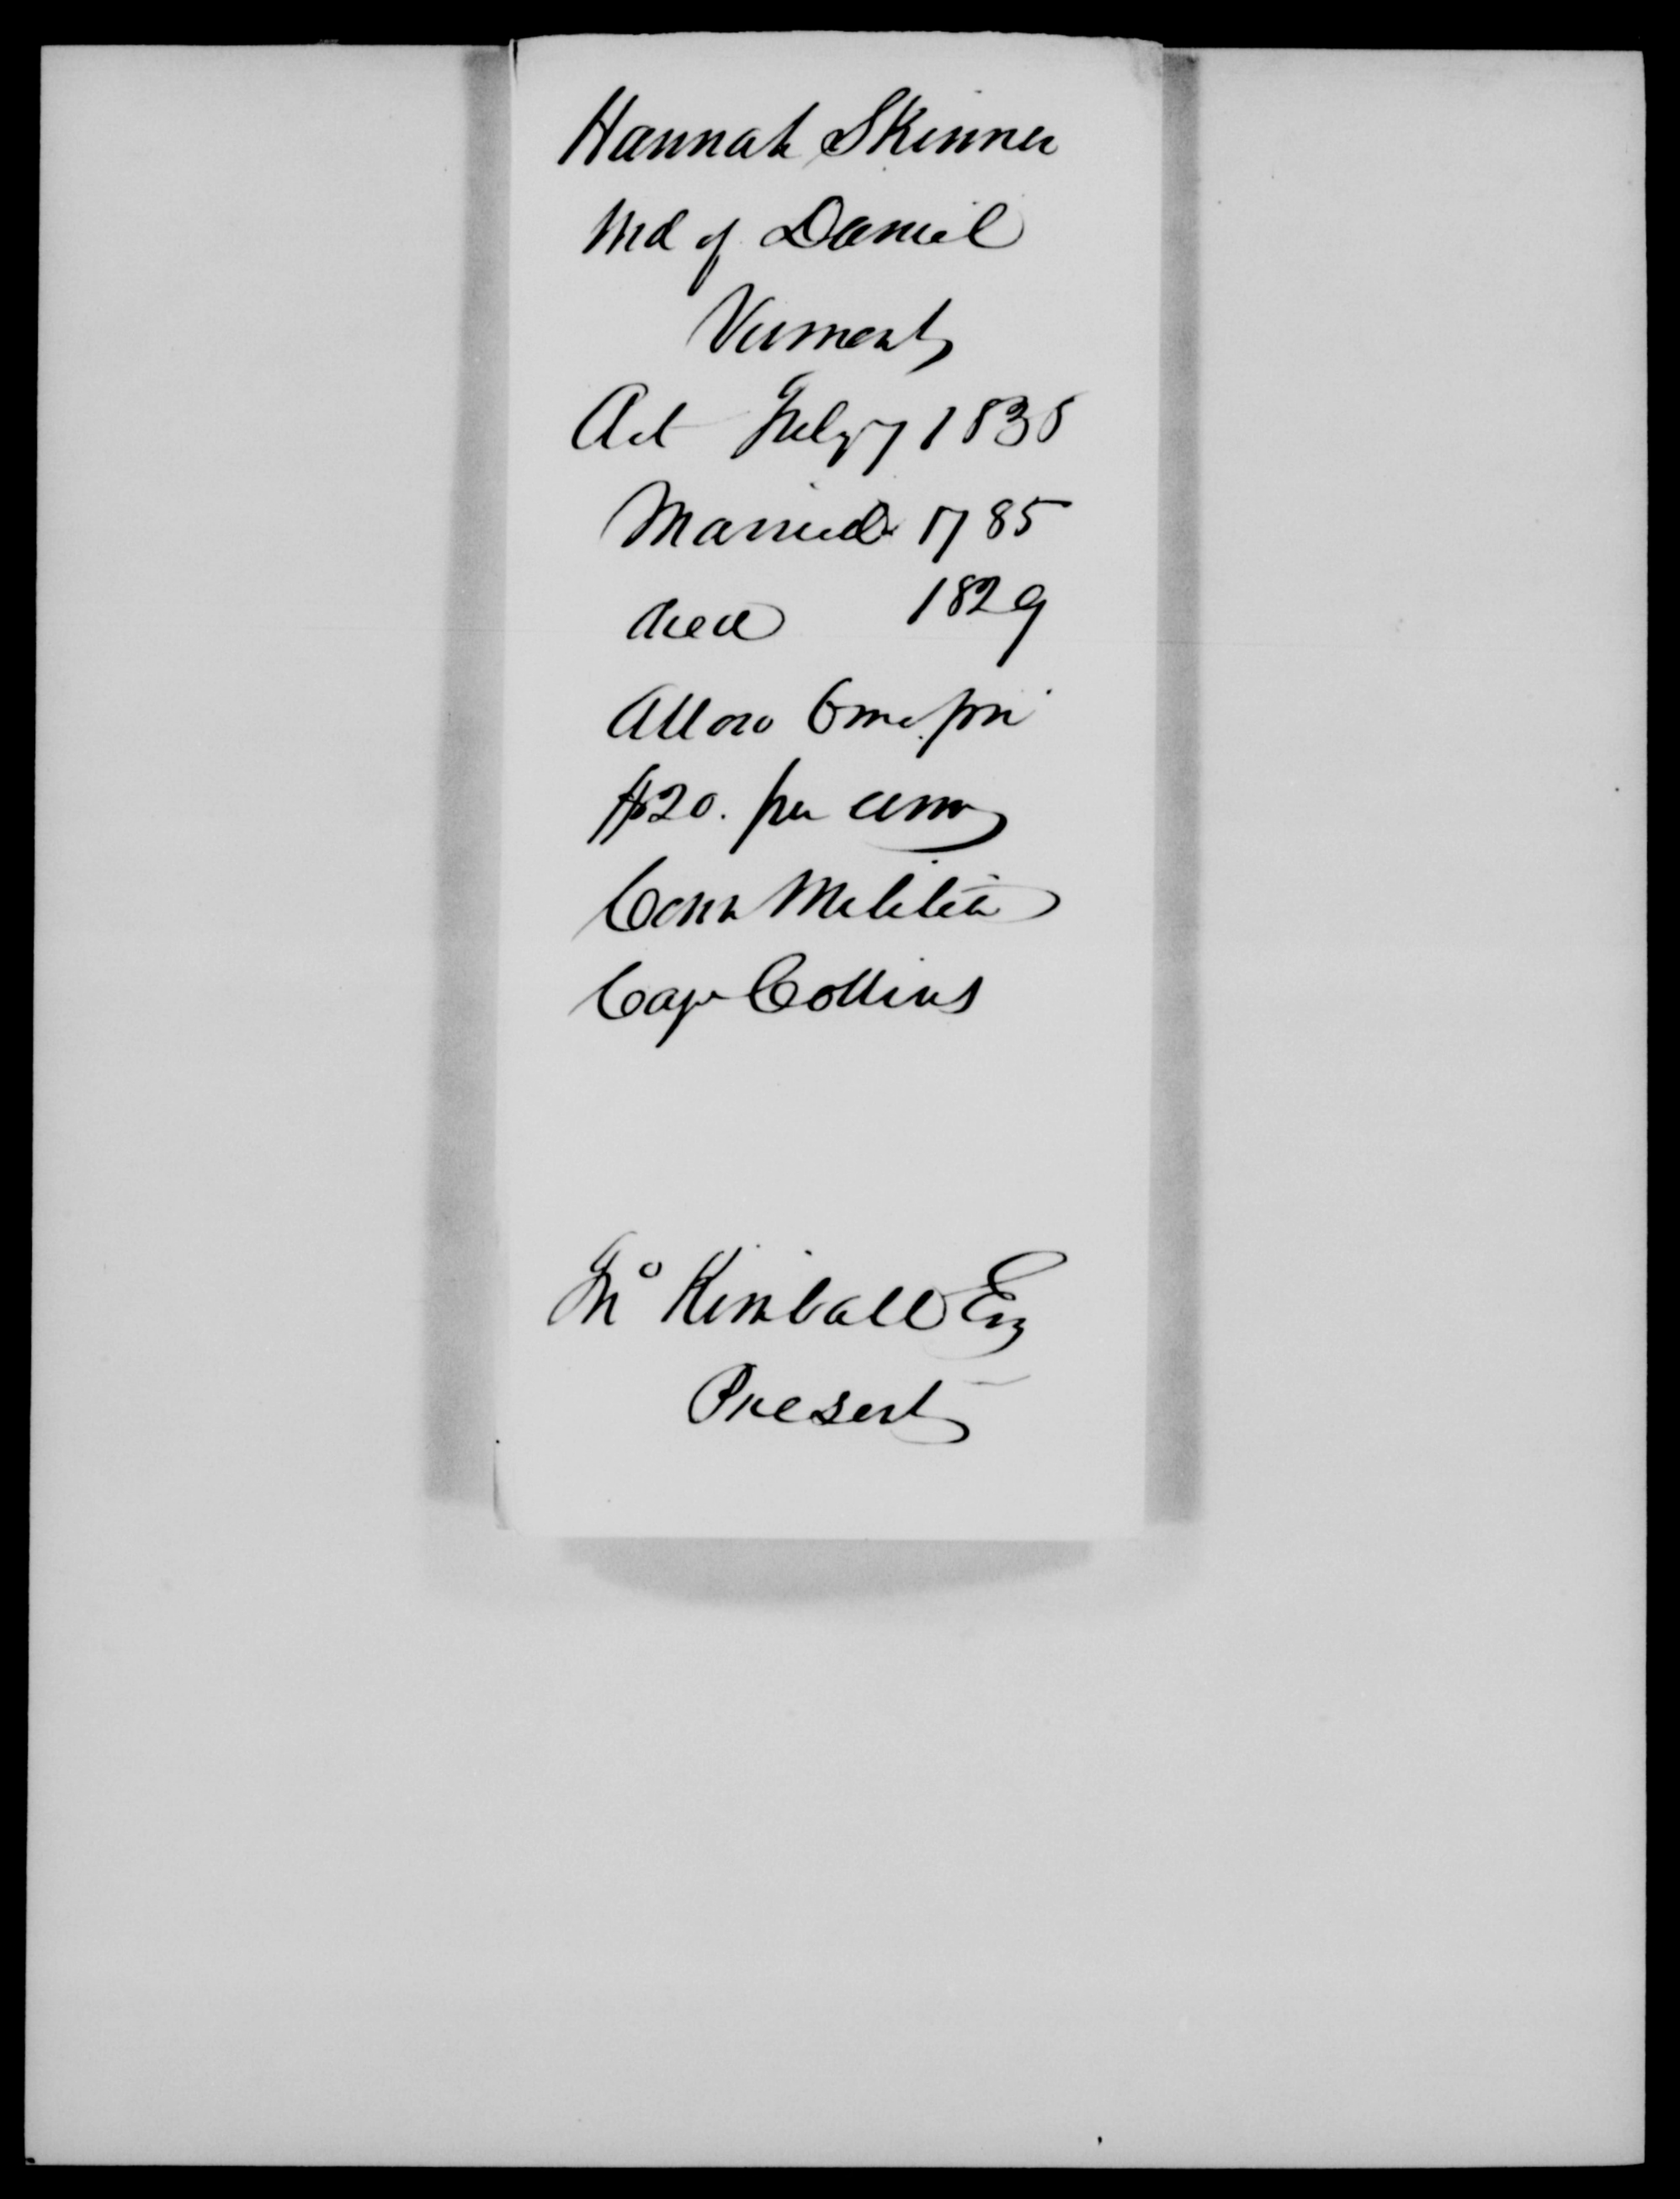Hannah Skinner
Wd. of Daniel
Vermont
Act July 7, 1835
Married 1785
died 1829
Allow. 6 mos pri.
$20. per ann.
Conn. Militia
Capt. Collins

Jno Kimball Esq.
Present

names: Daniel Skinner; Hannah Skinner; [BLANK] Collins; Jno Kimball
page: 28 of 46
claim: widow's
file: W. 24976, for Daniel Skinner, New Hampshire